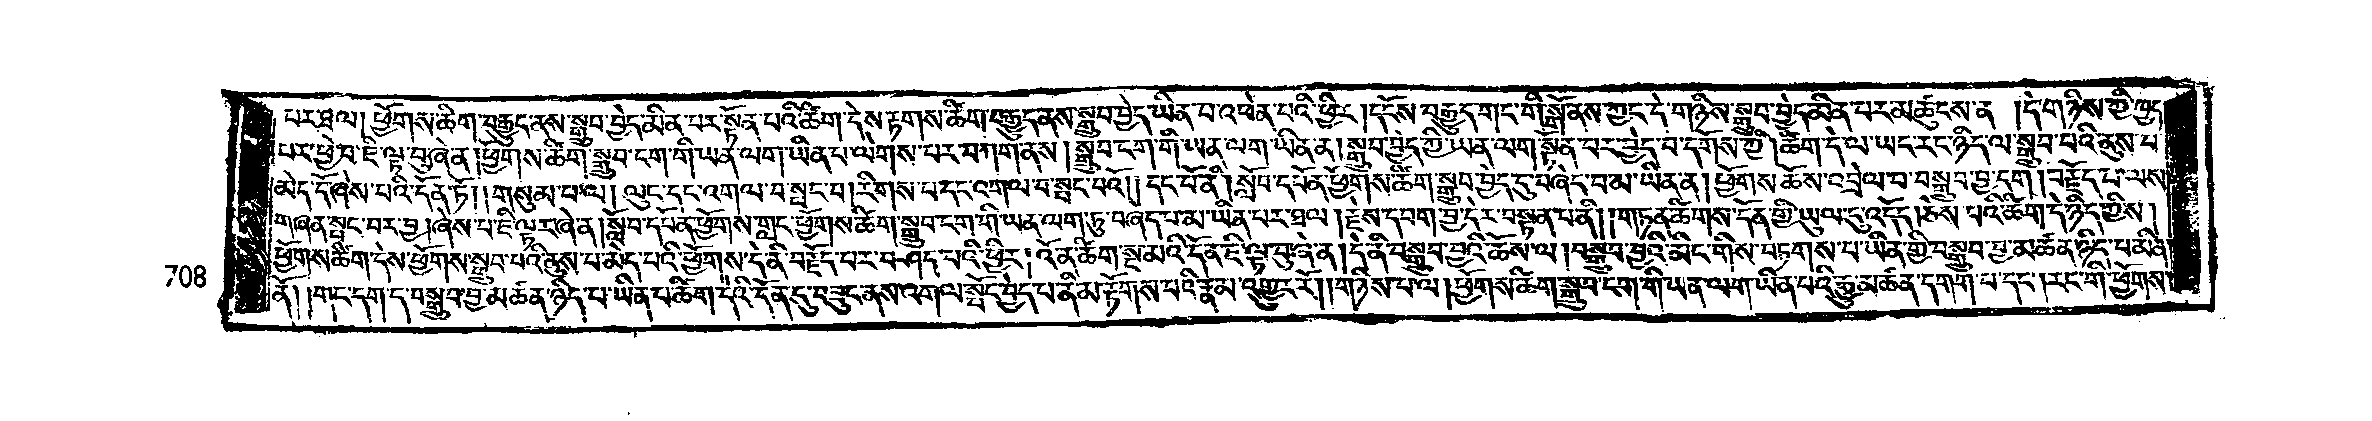པར་ཐུལ། ཕྱོགས་ཚིག་བརྒྱུད་ནས་སྒྲུབ་བྱེད་མིན་པར་སྟོན་པའི་ཚིག་དེས་རྟགས་ཚིག་བརྒྱུད་ནས་སྒྲུབ་བྱེད་ཡིན་པ་འཕེན་པའི་ཕྱིར། དངོས་བརྒྱུད་གང་གི་སྒོ་ནས་ཀྱང་དེ་གཉིས་སྒྲུབ་བྱེད་མིན་པར་མཚུངས་ན། དེ་གཉིས་ཀྱི་ཁྱད་
པར་ཕྱེ་བ་ཇི་ལྟ་བུ་ཞེ་ན། ཕྱོགས་ཚིག་སྒྲུབ་ངག་གི་ཡན་ལག་ཡིན་པ་ལེགས་པར་བཀག་ནས། སྒྲུབ་ངག་གི་ཡན་ལག་ཡིན་ན། སྒྲུབ་བྱེད་ཀྱི་ཡན་ལག་སྟོན་པར་བྱེད་པ་དགོས་ཀྱི། ཚིག་དེ་ལ་ཡང་རང་ཉིད་ལ་སྒྲུབ་པའི་ནུས་པ་
མེད་དོ་ཞེས་པའི་དོན་ཏོ། །གསུམ་པ་ལ། ལུང་དང་འགལ་བ་སྤང་བ། རིགས་པ་དང་འགལ་བ་སྤང་བའོ། །དང་པོ་ནི། སློབ་དཔོན་ཕྱོགས་ཚིག་སྒྲུབ་བྱེད་དུ་བཞེད་པ་མ་ཡིན་ན། ཕྱོགས་ཆོས་འབྲེལ་བ་བསྒྲུབ་བྱ་དག། བརྗོད་པ་ལས་
གཞན་སྤང་བར་བྱ། ཞེས་པ་ཇི་ལྟར་ཞེ་ན། སློབ་དཔོན་ཕྱོགས་གླང་ཕྱོགས་ཚིག་སྒྲུབ་ངག་གི་ཡན་ལག་ཏུ་བཞེད་པ་མ་ཡིན་པར་ཐལ། རྗེས་དཔག་བྱ་དེར་བསྟན་པ་ནི། །གཏན་ཚིགས་དོན་གྱི་ཡུལ་དུ་འདོད། ཅེས་པའི་ཚིག་དེ་ཉིད་ཀྱིས།
ཕྱོགས་ཚིག་དེས་ཕྱོགས་སྒྲུབ་པའི་ནུས་པ་མེད་པའི་ཕྱོགས་དེ་ནི་བརྗོད་པར་བཤད་པའི་ཕྱིར། འོ་ན་ཚིག་སྔ་མའི་དོན་ཇི་ལྟ་བུ་ཞེ་ན། དེ་ནི་བསྒྲུབ་བྱའི་ཆོས་ལ། བསྒྲུབ་བྱའི་མིང་གིས་བཏགས་པ་ཡིན་གྱི་བསྒྲུབ་བྱ་མཚན་ཉིད་པ་མིན་
ནོ། །གང་དག་དེ་བསྒྲུབ་བྱ་མཚན་ཉིད་པ་ཡིན་པ་ཚིག་དེའི་དོན་དུ་བཟུང་ནས་འགལ་སྤོང་བྱེད་པ་ནི་མ་རྟོགས་པའི་རྣམ་འགྱུར་རོ། །གཉིས་པ་ལ། ཕྱོགས་ཚིག་སྒྲུབ་ངག་གི་ཡན་ལག་ཡིན་པའི་རྒྱུ་མཚན་དགག་པ་དང་། རང་གི་ཕྱོགས་